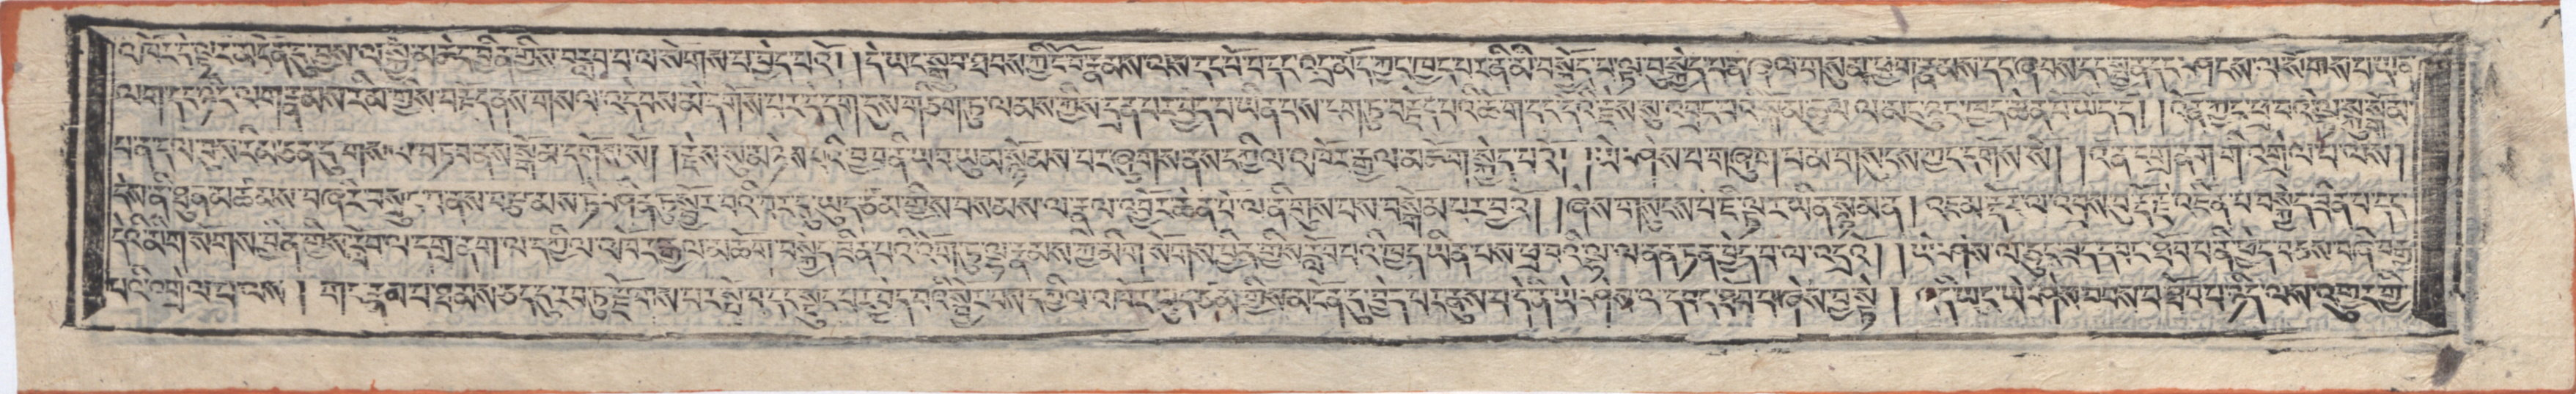འཁོར་དེ་ལྟར་མངོན་དུ་བྱས་ལ་སྐྱེ་མཆེད་བྱིན་གྱིས་བརླབ་པ་ལ་སོགས་པ་བྱེད་པའོ། །དེ་ཡང་སྒྲུབ་ཐབས་ཀྱི་ངོ་བོ་རྣམས་ལས་དང་པོ་པ་དང་འདྲ་མོད་ཀྱང་ཁྱད་པར་ནི་མི་བསྐྱོད་པ་ལྟ་བུ་སྐྱེད་པ་ན་ཞལ་གསུམ་ཕྱག་རྣམས་དང་ཞབས་དང་སྤྱན་དང་ཤངས་ལ་སོགས་པ་ཡན་
ལག་དང་ཉིད་ལག་རྣམས་རིམ་གྱིས་བརྗོད་ནས་གསལ་འདེབས་མི་དགོས་པར་དེ་དག་དུས་གཅིག་ཏུ་ལམས་ཀྱིས་དྲན་པར་བྱེད་པ་ཡིན་པས་ངག་ཏུ་བརྗོད་པའི་ཆོ་ག་དང་དེའི་རྗེས་སུ་འབྲང་བའི་སྒོམ་ཚུལ་ལ་མང་ཉུང་ཁྱད་ཆེན་པོ་ཡོད་དོ། །འོན་ཀྱང་ཕྲ་བའི་ལྷ་སྐུ་སྒོམ་
པ་ན་དལ་བུས་རིམ་ཅན་དུ་གསལ་བཏབ་ནས་སྒོམ་དགོས་སོ། །རྗེས་སུ་མཉེས་པའི་བྱ་བ་ནི་ཡབ་ཡུམ་སྙོམས་པར་ཞུགས་ནས་དཀྱིལ་འཁོར་རྒྱལ་མཆོག་སྐྱེད་པའོ། །ཡེ་ཤེས་པ་གཞུག་པ་མ་གསུངས་ཀྱང་དགོས་སོ། །འོ་ན་དགྲ་ནག་གི་འགྲེལ་པ་ལས།
དེས་ནི་ཐུན་མཚམས་བཞིར་བསྲུང་བ་ནས་བརྩམས་ཏེ་ཤིན་ཏུ་སྦྱོར་བའི་བར་དུ་ཡུད་ཙམ་གྱིས་བསམས་ལ་རྣལ་འབྱོར་ཆེན་པོ་ལ་ནི་གུས་པས་བསྒོམ་པར་བྱའོ། །ཞེས་གསུངས་པ་ཇི་ལྟར་ཡིན་སྙམ་ན། འཇམ་རྡོར་ལ་འབྲས་བུ་རྡོ་རྗེ་འཛིན་པ་བསྐྱེད་ཟིན་པ་དང་
དེའི་མིག་སོགས་བྱིན་གྱིས་རློབ་ལ་དགྲ་ནག་ལ་དཀྱིལ་འཁོར་རྒྱལ་མཆོག་བསྐྱེད་ཟིན་པའི་འོག་ཏུ་ལྷ་རྣམས་ཀྱི་མིག་སོགས་བྱིན་གྱིས་རློབ་པའི་ཁྱད་ཡིན་པས་ཕྲ་བའི་ལྷ་ལ་ནན་ཏན་བྱེད་པ་ལ་འདྲའོ། །ཡེ་ཤེས་ལ་ཅུང་ཟད་དབང་ཐོབ་པ་ནི་ཕྱེད་བཅས་བཞི་བརྒྱ་
བའི་འགྲེལ་བ་ལས། གང་རྣམ་པ་ཐམས་ཅད་དུ་རབ་ཏུ་རྫོགས་པར་སྤྲོ་བ་དང་སྡུད་པར་བྱེད་པའི་སྦྱོར་བས་དཀྱིལ་འཁོར་ཡུད་ཙམ་གྱིས་མངོན་དུ་བྱེད་པར་ནུས་པ་དེ་ནི་ཡེ་ཤེས་ལ་དབང་ཐོབ་པ་ཞེས་བྱ་སྟེ། འདི་ཡང་ཡེ་ཤེས་བབས་པ་ཐོབ་པ་ཉིད་ལས་འགྱུར་གྱི་